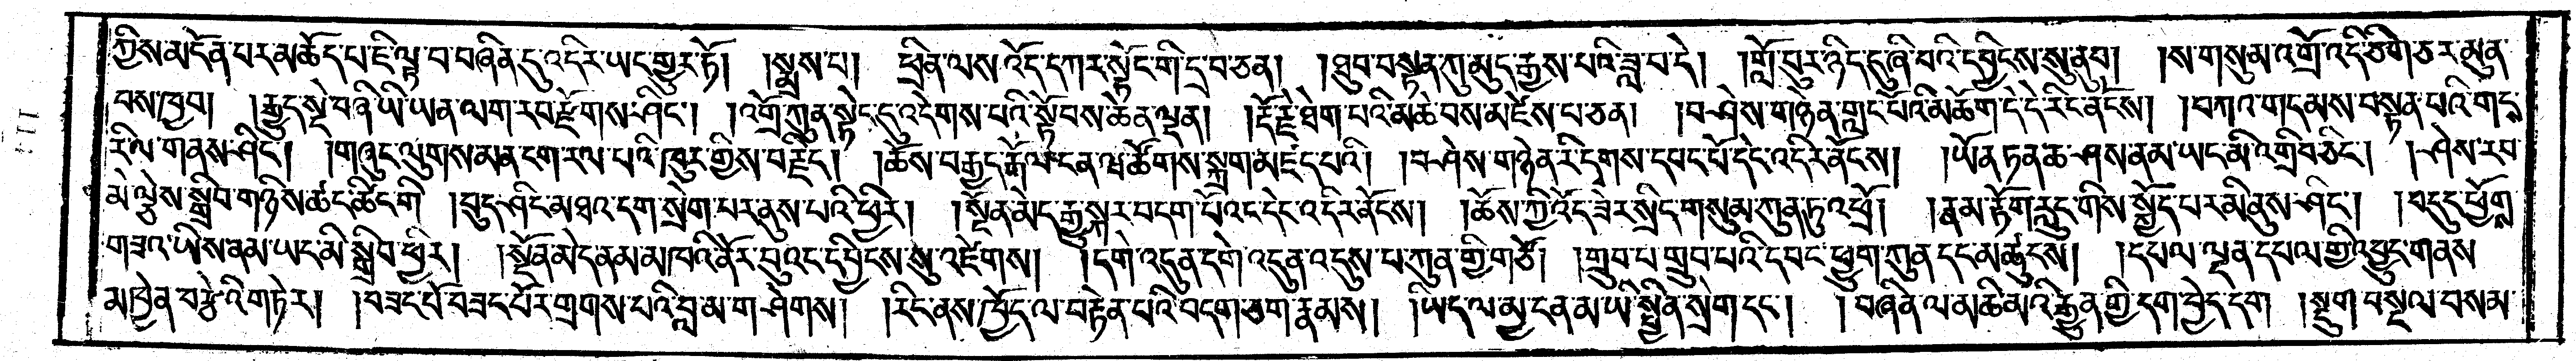ཀྱིས་མངོན་པར་མཆོད་པ་ཇི་ལྟ་བ་བཞིན་དུ་འདིར་ཡང་གྱུར་ཏོ། །སྨྲས་པ། ཕྲིན་ལས་འོད་དཀར་སྟོང་གི་དྲ་བ་ཅན། །ཐུབ་བསྟན་ཀུ་མུད་རྒྱས་པའི་ཟླ་བ་དེ། །གློ་བུར་ཉིད་དུ་ཞི་བའི་དབྱིངས་སུ་ནུབ། །ས་གསུམ་འགྲོ་འདི་ཅིག་ཅར་མུན་
བས་ཁྱབ། །རྒྱུད་སྡེ་བཞི་ཡི་ཡན་ལག་རབ་རྫོགས་ཤིང་། །འགྲོ་ཀུན་སྟེང་དུ་འདེགས་པའི་སྟོབས་ཆེན་ལྡན། །རྡོ་རྗེ་ཐེག་པའི་མཆེ་བས་མཛེས་པ་ཅན། །བཤེས་གཉེན་གླང་པོའི་མཆོག་དེ་དེ་རིང་ནོངས། །བཀའ་གདམས་བསྟན་པའི་གངས་
རི་ལ་གནས་ཤིང་། །གཞུང་ལུགས་མན་ངག་རལ་པའི་ཁུར་གྱིས་བརྗིད། །ཆོས་བརྒྱད་རྒོལ་ངན་ཝ་ཚོགས་སྐྲག་མཛད་པའི། །བཤེས་གཉེན་རི་དྭགས་དབང་པོ་དེང་འདིར་ནོངས། །ཡོན་ཏན་ཆ་ཤས་ནམ་ཡང་མི་འགྲིབ་ཅིང་། །ཤེས་རབ་
མེ་ལྕེས་སྒྲིབ་གཉིས་ཚང་ཚིང་གི །བུད་ཤིང་མཐའ་དག་སྲེག་པར་ནུས་པའི་ཕྱིར། །སྔོན་མེད་རྒྱུ་སྐར་བདག་པོའང་དེང་འདིར་ནོངས། །ཆོས་ཀྱི་འོད་ཟེར་སྲིད་གསུམ་ཀུན་ཏུ་འཕྲོ། །རྣམ་རྟོག་རླུང་གིས་སྐྱོད་པར་མི་ནུས་ཤིང་། །བདུད་ཕྱོགས་
གཟའ་ཡིས་ནམ་ཡང་མི་སྒྲིབ་ཕྱིར། །སྔོན་མེད་ནམ་མཁའི་ནོར་བུའང་དབྱིངས་སུ་འཛེགས། །དགེ་འདུན་དགེ་འདུན་འདུས་པ་ཀུན་གྱི་གཙོ། །གྲུབ་པ་གྲུབ་པའི་དབང་ཕྱུག་ཀུན་དང་མཚུངས། །དཔལ་ལྡན་དཔལ་གྱི་འབྱུང་གནས་
མཁྱེན་བརྩེའི་གཏེར། །བཟང་པོ་བཟང་པོར་གྲགས་པའི་བླ་མ་གཤེགས། །རིང་ནས་ཁྱོད་ལ་བརྟེན་པའི་བདག་ཅག་རྣམས། །ཡིད་ལ་མྱ་ངན་མ་ཡི་སྦྱིན་སྲེག་དང་། །བཞིན་ལ་མཆི་མའི་རྒྱུན་གྱི་དག་བྱེད་དག །སྡུག་བསྔལ་བསམ་